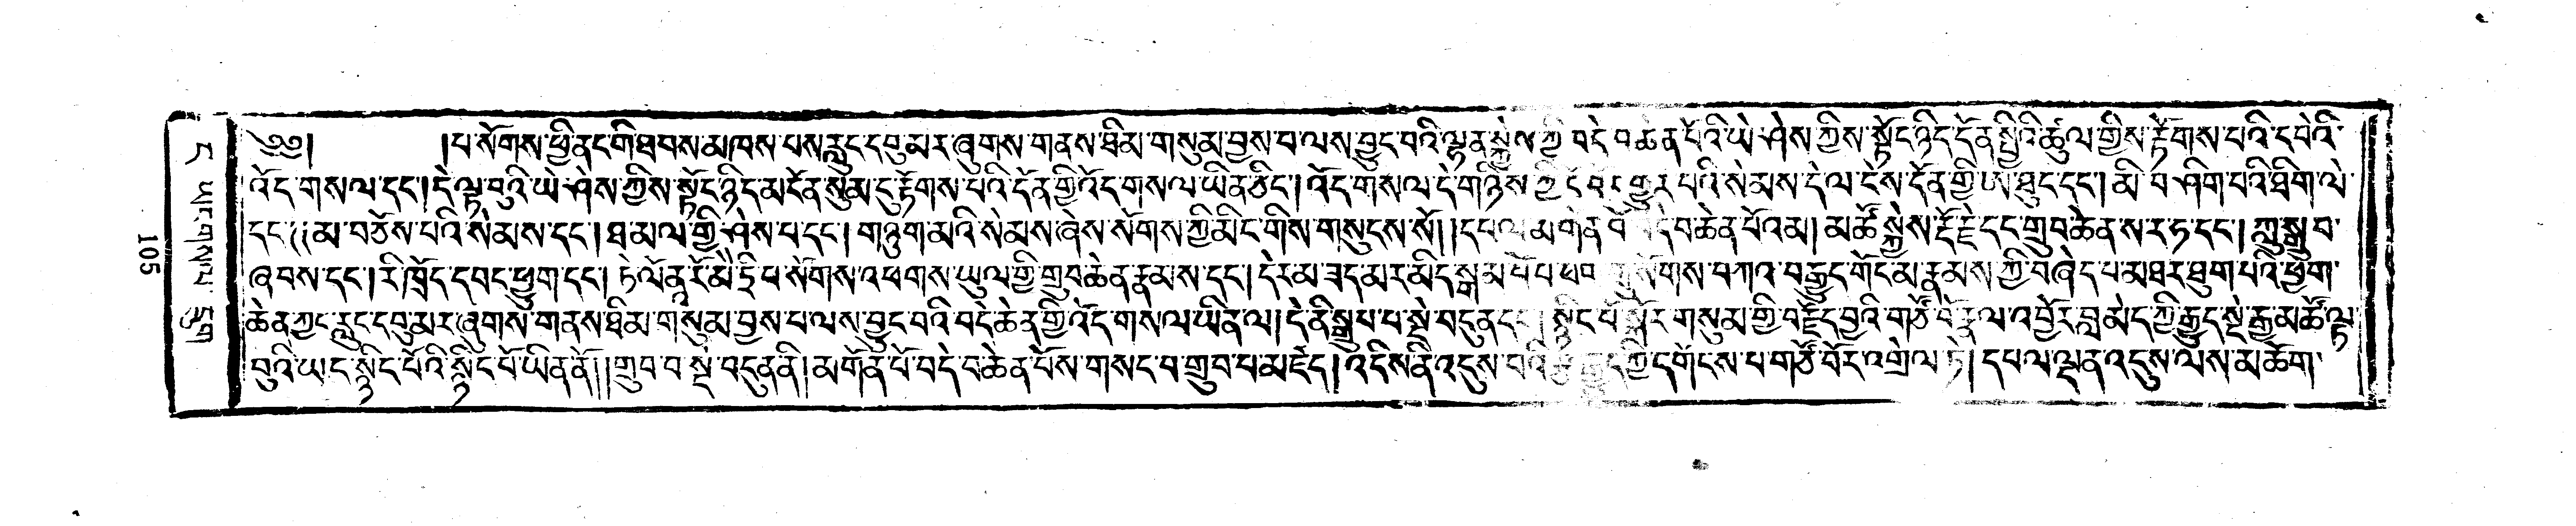༄༅། །པ་སོགས་ཕྱི་ནང་གི་ཐབས་མཁས་པས་རླུང་དབུ་མར་ཞུགས་གནས་ཐིམ་གསུམ་བྱས་པ་ལས་བྱུང་བའི་ལྷན་སྐྱེས་ཀྱི་བདེ་བ་ཆེན་པོའི་ཡེ་ཤེས་ཀྱིས་སྟོང་ཉིད་དོན་སྤྱིའི་ཚུལ་གྱིས་རྟོགས་པའི་དཔེའི་
འོད་གསལ་དང་། དེ་ལྟ་བུའི་ཡེ་ཤེས་ཀྱིས་སྟོང་ཉིད་མངོན་སུམ་དུ་རྟོགས་པའི་དོན་གྱི་འོད་གསལ་ཡིན་ཅིང་། འོད་གསལ་དེ་གཉིས་ཀྱི་ངོ་བོར་གྱུར་པའི་སེམས་དེ་ལ་ངེས་དོན་གྱི་ཨ་ཐུང་དང་། མི་བཤིག་པའི་ཐིག་ལེ་
དང་། །མ་བཅོས་པའི་སེམས་དང་། ཐ་མལ་གྱི་ཤེས་པ་དང་། གཉུག་མའི་སེམས་ཞེས་སོགས་ཀྱི་མིང་གིས་གསུངས་སོ། །དཔལ་མགོན་པོ་བདེ་བ་ཆེན་པོའམ། མཚོ་སྐྱེས་རྡོ་རྗེ་དང་གྲུབ་ཆེན་ས་ར་ཧ་དང་། ཀླུ་སྒྲུབ་
ཞབས་དང་། རི་ཁྲོད་དབང་ཕྱུག་དང་། ཏེ་ལོ་ནཱ་རོ་མཻ་ཏྲི་པ་སོགས་འཕགས་ཡུལ་གྱི་གྲུབ་ཆེན་རྣམས་དང་། དེར་མ་ཟད་མར་མིད་སྒམ་པོ་པ་ཕག་གྲུ་སོགས་བཀའ་བརྒྱུད་གོང་མ་རྣམས་ཀྱི་བཞེད་པ་མཐར་ཐུག་པའི་ཕྱག་
ཆེན་ཀྱང་རླུང་དབུ་མར་ཞུགས་གནས་ཐིམ་གསུམ་བྱས་པ་ལས་བྱུང་བའི་བདེ་ཆེན་གྱི་འོད་གསལ་ཡིན་ལ། དེ་ནི་སྒྲུབ་པ་སྡེ་བདུན་དང་། སྙིང་པོ་སྐོར་གསུམ་གྱི་བརྗོད་བྱའི་གཙོ་བོ་རྣལ་འབྱོར་བླ་མེད་ཀྱི་རྒྱུད་སྡེ་རྒྱ་མཚོ་ལྟ་
བུའི་ཡང་སྙིང་པོའི་སྙིང་པོ་ཡིན་ནོ། །གྲུབ་པ་སྡེ་བདུན་ནི། མགོན་པོ་བདེ་བ་ཆེན་པོས་གསང་བ་གྲུབ་པ་མཛད། འདིས་ནི་འདུས་པའི་རྩ་རྒྱུད་ཀྱི་དགོངས་པ་གཙོ་བོར་འགྲེལ་ཏེ། དཔལ་ལྡན་འདུས་ལས་མཆོག་